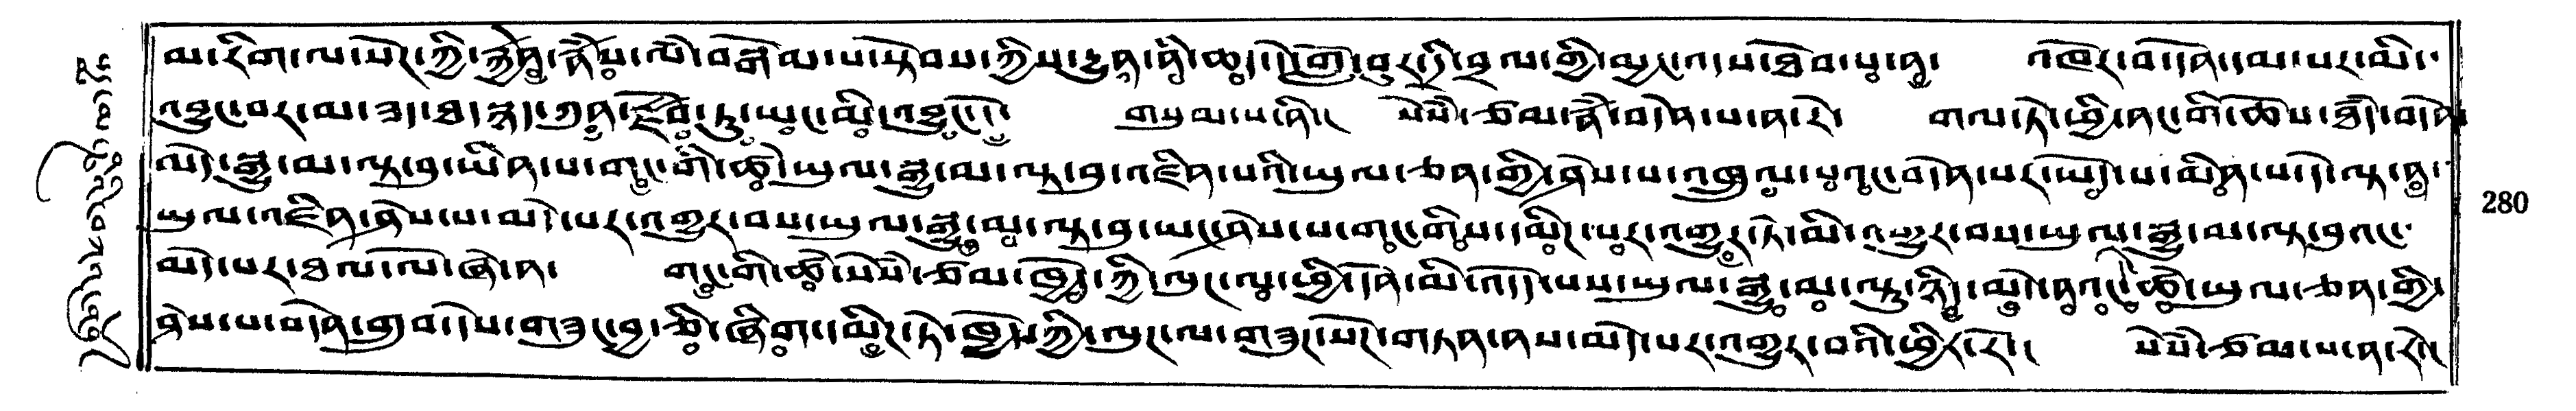མ་རིག་ལ་སོགས་ཀྱི་རྐྱེན་རྣམས་ལམ་བསྒོམ་པའི་སྟོབས་ཀྱིས་རྒྱུན་ནི་ཆད་དེ་གློ་བུར་དྲི་བྲལ་གྱི་མྱང་འདས་ཐོབ་པ་ན། འཁོར་བ་དོན་དམ་པར་མི་
འབྱུང་བར་མ་ཟད་ཐ་སྙད་ཀུན་རྫོབ་ཏུ་ཡང་མི་འབྱུང་ངོ་། གསུམ་པ་ནི། སེམས་ཙམ་རྣམ་བདེན་པ་ན་རེ། གལ་ཏེ་ཕྱི་ནང་གི་ཆོས་ཐམས་ཅད་བདེན་
མེད་སྒྱུ་མ་ལྟ་བུ་ཡིན་པ་གང་གི་ཚེ་ཡུལ་སྒྱུ་མ་ལྟ་བུ་འཛིན་པའི་ཡུལ་ཅན་གྱི་ཤེས་པ་འཁྲུལ་པའང་བདེན་པར་ཡོད་པ་མིན་པ་དེ་ལྟ་ན་
ཡུལ་འཛིན་ཤེས་པ་མེད་པར་འགྱུར་བས་ཡུལ་སྒྱུ་མ་ལྟ་བུ་ཡང་ཤེས་པ་གང་གིས་དམིགས་པར་འགྱུར་ཏེ་མི་འགྱུར་བས་ཡུལ་སྒྱུ་མ་ལྟ་བུའང་
མེད་པར་ཐལ་ལོ་ཞེ་ན། གང་གི་ཚེ་སེམས་ཙམ་ཁྱོད་ཀྱི་ལུགས་ལ་ཕྱི་དོན་མི་འདོད་པས་ཡུལ་སྒྱུ་མ་ལྟ་བུ་ཉིད་མེད་ནའང་དེ་ཚེ་ཡུལ་ཅན་གྱི་
ཤེས་པ་བདེན་གྲུབ་དེས་གཟུང་བྱ་ཅི་ཞིག་དམིགས་ཏེ་ཁྱོད་ཀྱི་ལུགས་ལ་གཟུགས་སོགས་གཏན་ནས་མེད་པར་འགྱུར་བའི་ཕྱིར་རོ།སེམས་ཙམ་པ་ན་རེ།